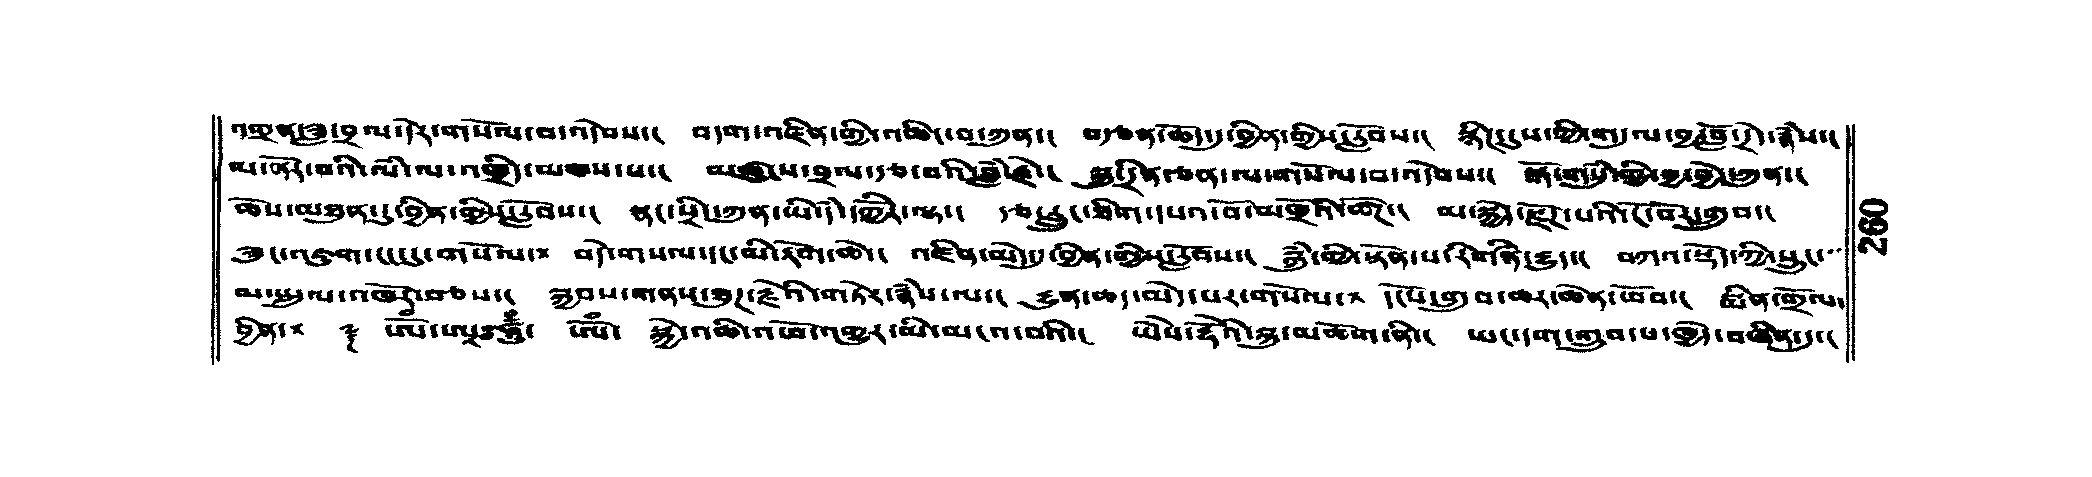།འགྲན་ཟླ་བྲལ་དེར་གསོལ་བ་འདེབས། །བདག་འཛིན་གྱི་འཆིང་བ་ཀུན། །བརྩད་ཆོད་དུ་བྱིན་གྱིས་རློབས། །སྙིགས་དུས་ཀྱི་གདུལ་བྱ་བློ་དྲེད་རྣམས། །
མ་ནོར་བའི་ལམ་ལ་འཁྲིད་མཁས་པ། །མཚུངས་བྲལ་རྩ་བའི་བླ་མ་རྗེ། །སྐུ་དྲིན་ཅན་ལ་གསོལ་བ་འདེབས། །སྒོ་གསུམ་གྱི་བྱ་བྱེད་ཀུན། །
ཆོས་མཐུན་དུ་བྱིན་གྱིས་རློབས། །སྣང་སྲིད་ཀུན་ཡི་དམ་དཀྱིལ་འཁོར་ལྷ། །རྩ་རླུང་ཐིག་དཔའ་བོ་མཁའ་འགྲོའི་ཚོགས། །མ་སྐྱེད་རྫོགས་པའི་ངོ་བོར་གྲུབ། །
ཟུང་འཇུག་ངང་དུ་གསོལ༴ །བདེ་གསལ་དང་མི་རྟོག་ཆེ། །འཛིན་མེད་དུ་བྱིན་གྱིས་རློབས། །སྐུ་གསུམ་གྱི་སྟོན་པ་རིག་འཛིན་རྒྱུད། །བཀའ་སྡོད་ཀྱི་སྲུང་
མ་སྤྲུལ་འཁོར་བཅས། །སྐྱབས་གནས་ཐུགས་རྗེའི་གཏེར་རྣམས་ལ། །རྒྱུན་ཆད་མེད་པར་གསོལ༴ །དངོས་གྲུབ་ཆར་ཆེན་ཕོབ། སྨིན་གྲོལ་
བྱིན༴ ༈ ཨོཾ་ཨཱཿཧཱུྃ། ཨོཾ། སྐྱེ་འཆི་འཕོ་འགྱུར་མི་མངའ་བའི། །ཡེ་ཤེས་རྡོ་རྗེའི་སྐུ་མཆོག་ནི། །ཡང་དག་གྲུབ་པ་ཁྱེད་བཞིན་དུ།